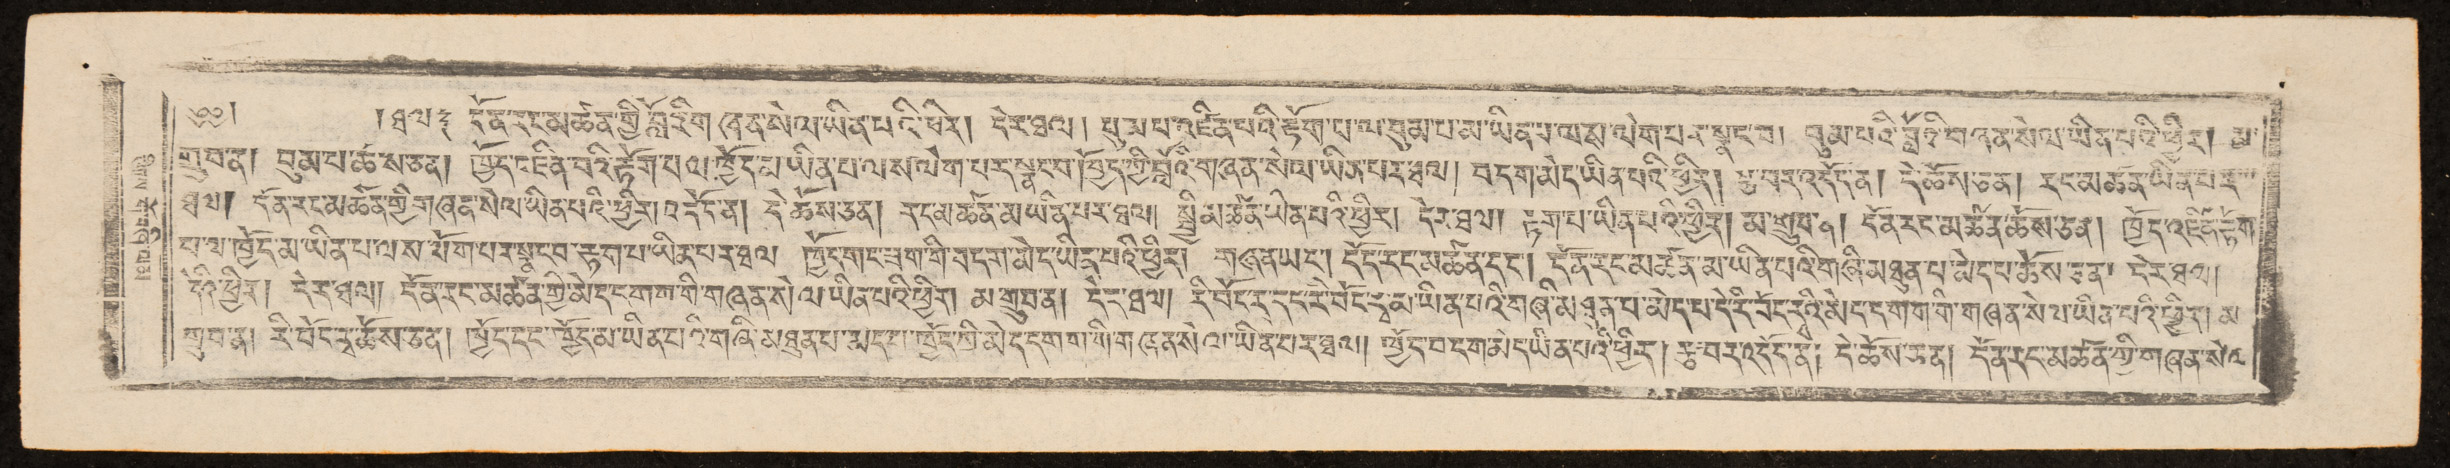༄༅། །ཐལ། དོན་རང་མཚན་གྱི་བློའི་གཞན་སེལ་ཡིན་པའི་ཕྱིར། དེར་ཐལ། བུམ་པ་འཛིན་པའི་རྟོག་པ་ལ་བུམ་པ་མ་ཡིན་པ་ལས་ལོག་པར་སྣང་བ། བུམ་པའི་བློའི་གཞན་སེལ་ཡིན་པའི་ཕྱིར། མ་
གྲུབ་ན། བུམ་པ་ཆོས་ཅན། ཁྱོད་འཛིན་པའི་རྟོག་པ་ལ་ཁྱོད་མ་ཡིན་པ་ལས་ལོག་པར་སྣང་བ་ཁྱོད་ཀྱི་བློའི་གཞན་སེལ་ཡིན་པར་ཐལ། བདག་མེད་ཡིན་པའི་ཕྱིར། རྩ་བར་འདོད་ན། དེ་ཆོས་ཅན། རང་མཚན་ཡིན་པར་
ཐལ། དོན་རང་མཚན་གྱི་གཞན་སེལ་ཡིན་པའི་ཕྱིར། འདོད་ན། དེ་ཆོས་ཅན། རང་མཚན་མ་ཡིན་པར་ཐལ། སྤྱི་མཚན་ཡིན་པའི་ཕྱིར། དེར་ཐལ། རྟག་པ་ཡིན་པའི་ཕྱིར། མ་གྲུབ་ན། དོན་རང་མཚན་ཆོས་ཅན། ཁྱོད་འཛིན་རྟོག་
པ་ལ་ཁྱོད་མ་ཡིན་པ་ལས་ལོག་པར་སྣང་བ་རྟག་པ་ཡིན་པར་ཐལ། ཁྱོད་གང་ཟག་གི་བདག་མེད་ཡིན་པའི་ཕྱིར། གཞན་ཡང་། དོན་རང་མཚན་དང་། དོན་རང་མཚན་མ་ཡིན་པའི་གཞི་མཐུན་པ་མེད་པ་ཆོས་ཅན། དེར་ཐལ།
དེའི་ཕྱིར། དེར་ཐལ། དོན་རང་མཚན་གྱི་མེད་དགག་གི་གཞན་སེལ་ཡིན་པའི་ཕྱིར། མ་གྲུབ་ན། དེར་ཐལ། རི་བོང་རྭ་དང་རི་བོང་རྭ་མ་ཡིན་པའི་གཞི་མཐུན་པ་མེད་པ་དེ་རི་བོང་རྭའི་མེད་དགག་གི་གཞན་སེལ་ཡིན་པའི་ཕྱིར། མ་
གྲུབ་ན། རི་བོང་རྭ་ཆོས་ཅན། ཁྱོད་དང་ཁྱོད་མ་ཡིན་པའི་གཞི་མཐུན་པ་མེད་པ་ཁྱོད་ཀྱི་མེད་དགག་གི་གཞན་སེལ་ཡིན་པར་ཐལ། ཁྱོད་བདག་མེད་ཡིན་པའི་ཕྱིར། རྩ་བར་འདོད་ན། དེ་ཆོས་ཅན། དོན་རང་མཚན་གྱི་གཞན་སེལ་